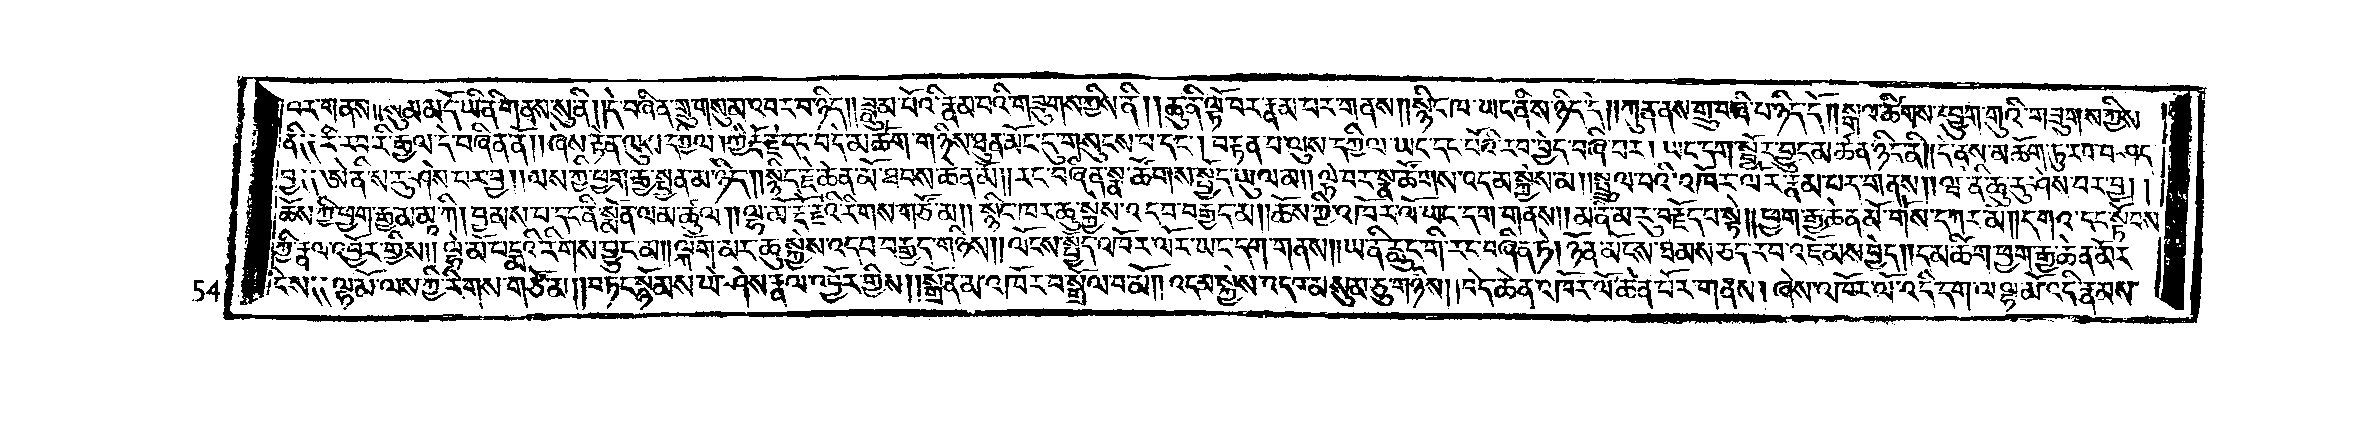བར་གནས། །སུམ་མདོ་ཡི་ནི་གནས་སུ་ནི། །དེ་བཞིན་གྲུ་གསུམ་འབར་བ་ཉིད། །ཟླུམ་པོའི་རྣམ་པའི་གཟུགས་ཀྱིས་ནི། །ཆུ་ནི་ལྟོ་བར་རྣམ་པར་གནས། །སྙིང་ཁ་ཡང་ནི་ས་ཉིད་དེ། །ཀུན་ནས་གྲུ་བཞི་པ་ཉིད་དོ། །སྒལ་ཚིགས་དབྱུག་གུའི་གཟུགས་ཀྱིས་
ནི༑ ༑རི་རབ་རི་རྒྱལ་དེ་བཞིན་ནོ། །ཞེས་རྟེན་ལུས་དཀྱིལ། ཀྱཻ་རྡོ་རྗེ་དང་བདེ་མཆོག་གཉིས་ཐུན་མོང་དུ་གསུངས་པ་དང་། བརྟན་པ་ལུས་དཀྱིལ་ཡང་དང་པོའི་རབ་བྱེད་བཞི་བར། ཡང་དག་སྦྱོར་བྱུང་མཚན་ཉིད་ནི། །དེ་ནས་མཆོག་ཏུ་རབ་བཤད་
བྱ༑ ༑ཨེ་ནི་ས་རུ་ཤེས་པར་བྱ། །ལས་ཀྱི་ཕྱག་རྒྱ་སྤྱན་མ་ཉིད། །སྙིང་རྗེ་ཆེན་མོ་ཐབས་ཆེན་མོ། །རང་བཞིན་སྣ་ཚོགས་སྤྱོད་ཡུལ་མ། །ལྟེ་བར་སྣ་ཚོགས་འདམ་སྐྱེས་མ། །སྤྲུལ་པའི་འཁོར་ལོར་རྣམ་པར་གནས། །ཝ་ནི་ཆུ་རུ་ཤེས་པར་བྱ། །
ཆོས་ཀྱི་ཕྱག་རྒྱ་མ་མཱ་ཀི། བྱམས་པ་དང་ནི་སྨོན་ལམ་ཚུལ། །ལྷ་མོ་རྡོ་རྗེའི་རིགས་གཙོ་མ། །སྙིང་ཁར་ཆུ་སྐྱེས་འདབ་བརྒྱད་མ། །ཆོས་ཀྱི་འཁོར་ལོ་ཡང་དག་གནས། །མ་ནི་མ་རུ་བརྗོད་པ་སྟེ། །ཕྱག་རྒྱ་ཆེན་མོ་གོས་དཀར་མོ། །དགའ་དང་སྟོབས་
ཀྱི་རྣལ་འབྱོར་གྱིས། །ལྷ་མོ་པདྨའི་རིགས་བྱུང་མ། །ལྐོག་མར་ཆུ་སྐྱེས་འདབ་བརྒྱད་གཉིས། །ལོངས་སྤྱོད་འཁོར་ལོར་ཡང་དག་གནས། །ཡ་ནི་རླུང་གི་རང་བཞིན་ཏེ། ཉོན་མོངས་ཐམས་ཅད་རབ་འཇོམས་བྱེད། །དམ་ཚིག་ཕྱག་རྒྱ་ཆེན་མོར་
ངེས༑ ༑ལྷ་མོ་ལས་ཀྱི་རིགས་གཙོ་མ། །བཏང་སྙོམས་ཡེ་ཤེས་རྣལ་འབྱོར་གྱིས། །སྒྲོན་མ་འཁོར་བ་སྒྲོལ་བ་མོ། །འདམ་སྐྱེས་འདབ་མ་སུམ་ཅུ་གཉིས། །བདེ་ཆེན་འཁོར་ལོ་ཆེན་པོར་གནས། ཞེས་འཁོར་ལོ་འདི་དག་ལ་ལྷ་མོ་འདི་རྣམས་